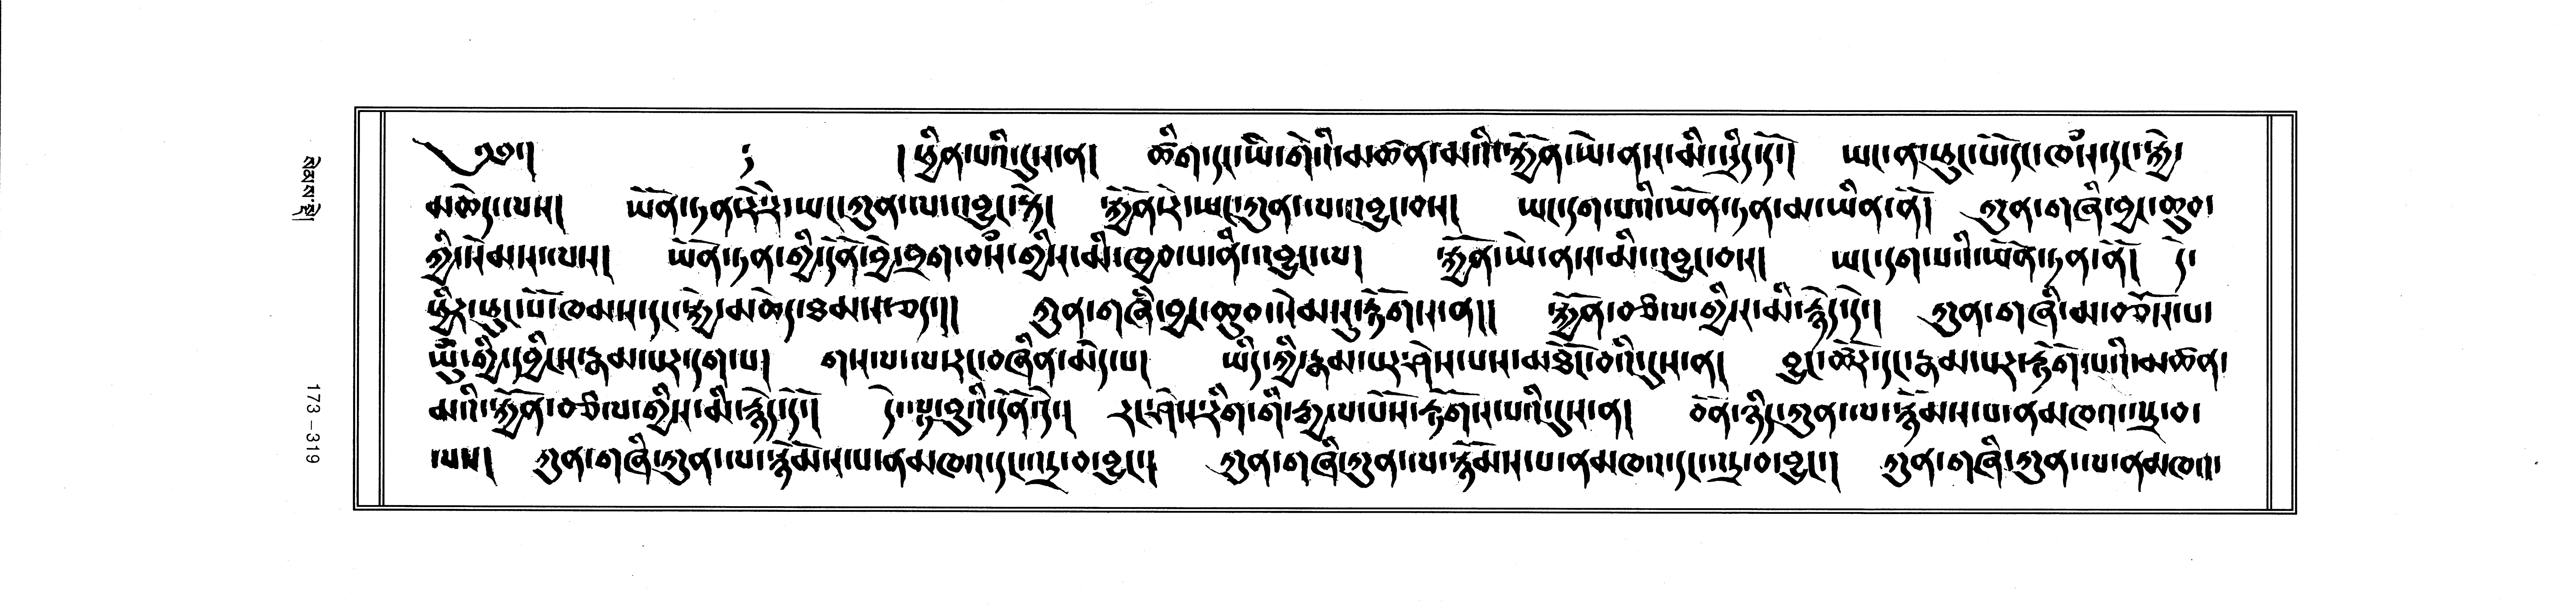ཕྱིན་པའི་དུས་ན། ཚིག་དང་ཡི་གེའི་མཚན་མའི་སྐྱོན་ཡེ་ནས་མི་སྲིད་དོ། །ཡང་ན་ཕུང་པོ་དང་ཁམས་དང་སྐྱེ་
མཆེད་ལས། ཡོན་ཏན་རེ་རེ་ཡང་ཀུན་ལ་འབྱུང་སྟེ། སྐྱོན་རེ་ཡང་ཀུན་ལ་འབྱུང་བས། ཡང་དག་པའི་ཡོན་ཏན་མ་ཡིན་ནོ། །ཀུན་གཞི་བྱང་ཆུབ་
ཀྱི་སེམས་ལས། ཡོན་ཏན་གྱི་དོན་བྱེ་བྲག་བསམ་གྱིས་མི་ཁྱབ་པ་ནི་འབྱུང་ལ། སྐྱོན་ཡེ་ནས་མི་འབྱུང་བས། ཡང་དག་པའི་ཡོན་ཏན་ནོ། །དེ་
ཕྱིར་ཕུང་པོ་ཁམས་དང་སྐྱེ་མཆེད་ཐམས་ཅད། ཀུན་གཞི་བྱང་ཆུབ་སེམས་སུ་རྟོགས་ན། སྐྱོན་བཙལ་གྱིས་མི་རྙེད་དེ། ཀུན་གཞི་མ་བཅོས་པ་
ཡུམ་གྱི་དབྱིངས་རྣམ་པར་དག་པ། གསལ་ལ་རང་བཞིན་མེད་པ། ཡིད་ཀྱི་རྣམ་པར་ཤེས་པས་མཐོང་བའི་དུས་ན། བྱུང་ཚོར་དང་རྣམ་པར་རྟོག་པའི་མཚན་
མའི་སྐྱོན་བཙལ་གྱིས་མི་རྙེད་དོ། །དེ་ལྟ་བུའི་དོན་དེ། རང་ཤེས་རིག་གི་རྒྱལ་པོས་རྟོགས་པའི་དུས་ན། བོན་ཉིད་ཀུན་ལ་སྙོམས་པ་ནམ་མཁའ་དང་འདྲ་བ་
བྱུང་། ཀུན་གཞི་ཀུན་ལ་སྙོམས་པ་ནམ་མཁའ་དང་འདྲ་བ་བྱུང་། ཀུན་གཞི་ཀུན་ལ་ནམ་མཁའ་དང་འདྲ་བ་བྱུང་། ཀུན་གཞི་ཀུན་ལ་ནམ་མཁའ་